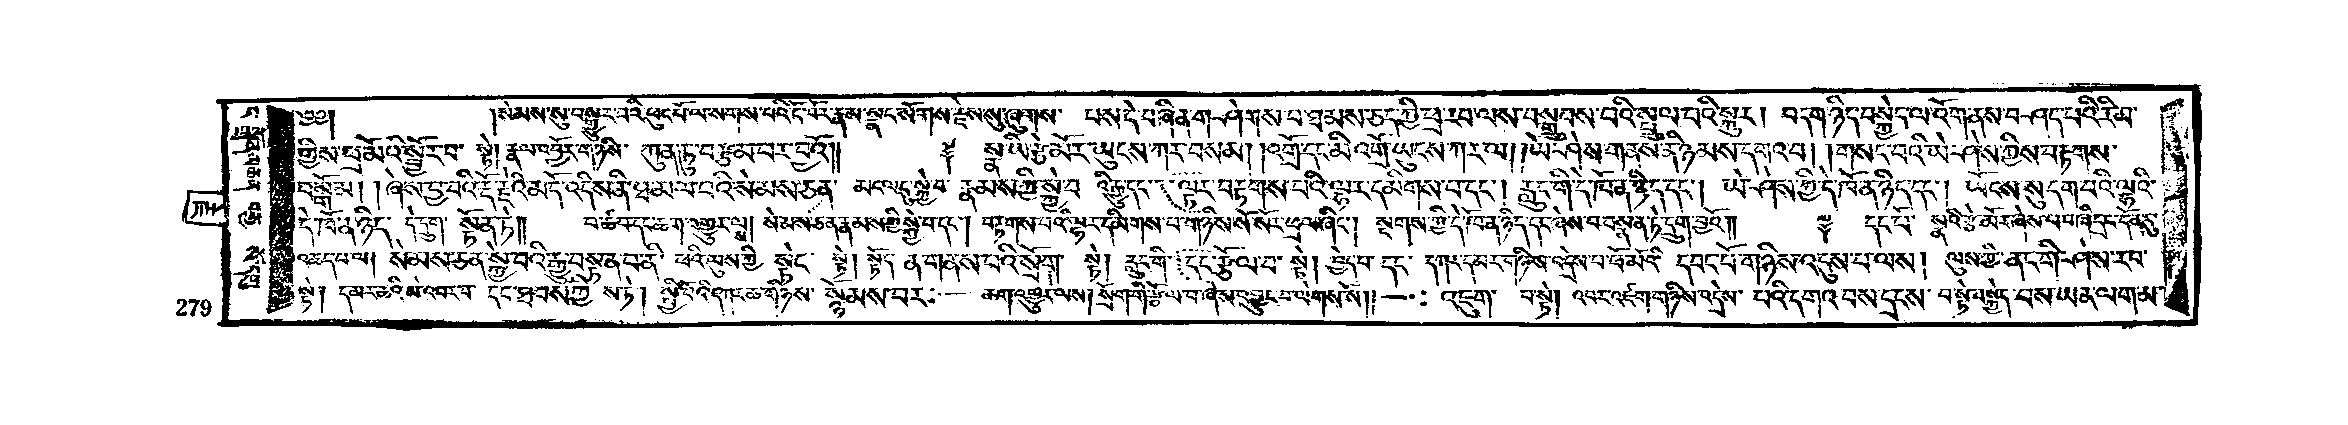༄༅། ། སེམས་སུ་བསྒྱུར་བའི་ཕུང་པོ་ལ་སོགས་པའི་ངོ་བོར་རྣམ་སྣང་སོགས་རྗེས་སུ་ཞུགས་པས་དེ་བཞིན་གཤེགས་པ་ཐམས་ཅད་ཀྱི་ཕྲ་རབ་ལས་བསྒྲུབས་པའི་སྤྲུལ་པའི་སྐུར། བདག་ཉིད་བསྐྱེད་ལ་འོག་ནས་བཤད་པའི་རིམ་
གྱིས་ཕྲ་མོའི་སྦྱོར་བ་སྟེ། རྣལ་འབྱོར་གཉིས་ཀུན་ཏུ་བརྩམ་པར་བྱའོ།། ༈ སྣ་ཡི་རྩེ་མོར་ཡུངས་ཀར་བསམ། །འགྲོ་དང་མི་འགྲོ་ཡུངས་ཀར་ལ། །ཡེ་ཤེས་གནས་ནི་ཉམས་དགའ་བ། །གསང་བའི་ཡེ་ཤེས་ཀྱིས་བརྟགས་
བསྒོམ། །ཞེས་བྱ་བའི་རྡོ་རྗེའི་མདོ་འདིས་ནི་ཐ་མལ་བའི་སེམས་ཅན་མངལ་དུ་སྐྱེ་བ་རྣམས་ཀྱི་སྐྱེ་བའི་རྒྱུ་དང་ལྟར་བརྟགས་པའི་ལྷར་དམིགས་པ་དང་། རླུང་གི་དེ་ཁོ་ན་ཉིད་དང་། ཡེ་ཤེས་ཀྱི་དེ་ཁོ་ན་ཉིད་དང་། ཡོངས་སུ་དག་པའི་ལྷའི་
དེ་ཁོ་ན་ཉིད་དེ་དྲུག་སྟོན་ཏེ།། པ་ཚབ་དང་ཆག་འགྱུར་ལས། སེམས་ཅན་རྣམས་ཀྱི་སྐྱེ་བ་དང་། བརྟགས་པའི་ལྷར་དམིགས་པ་གཉིས་སོ་སོར་ཕྲལ་ཞིང་། སྔགས་ཀྱི་དེ་ཁོ་ན་ཉིད་དང་ཞེས་པ་བསྣན་ཏེ་དྲུག་བྱའོ།།  ༈ དང་པོ་སྣའི་རྩེ་མོར་ཞེས་པ་བཞི་དྲང་དོན་དུ་
འཆད་པ་ལ། སེམས་ཅན་སྐྱེ་བའི་རྒྱུ་བསྟན་པ་ནི་ཕའི་ལུས་ཀྱི་སྟེང་སྟེ། སྟོད་ན་གནས་པའི་སྲོག་སྟེ། རླུང་གི་དང་རྩོལ་བ་སྟེ། བྱེད་པ་དང་དཀར་དམར་གཉིས་འདྲེས་པ་ཕོ་མོའི་དབང་པོ་གཉིས་འདུས་པ་ལས། ལུས་ཀྱི་ནང་གི་ཤེས་རབ་
སྟེ། དམར་ཆའི་བེ་འབར་བ་དང་ཐབས་ཀྱིས་ཏེ། སྤྱི་བོའི་དཀར་ཆ་གཉིས་སྙོམས་པརཿ་ཆག་འགྱུར་ལས། སྲོག་གི་རྩོལ་བ་ཞེས་འབྱུང་བ་ལེགས་སོ།། .Hའཇུག་པ་སྟེ། འབར་འཛག་གཉིས་འདྲེས་པའི་དགའ་བས་དྲངས་པ་སྟེ་བསྐྱེད་པས་ཡན་ལག་མ་